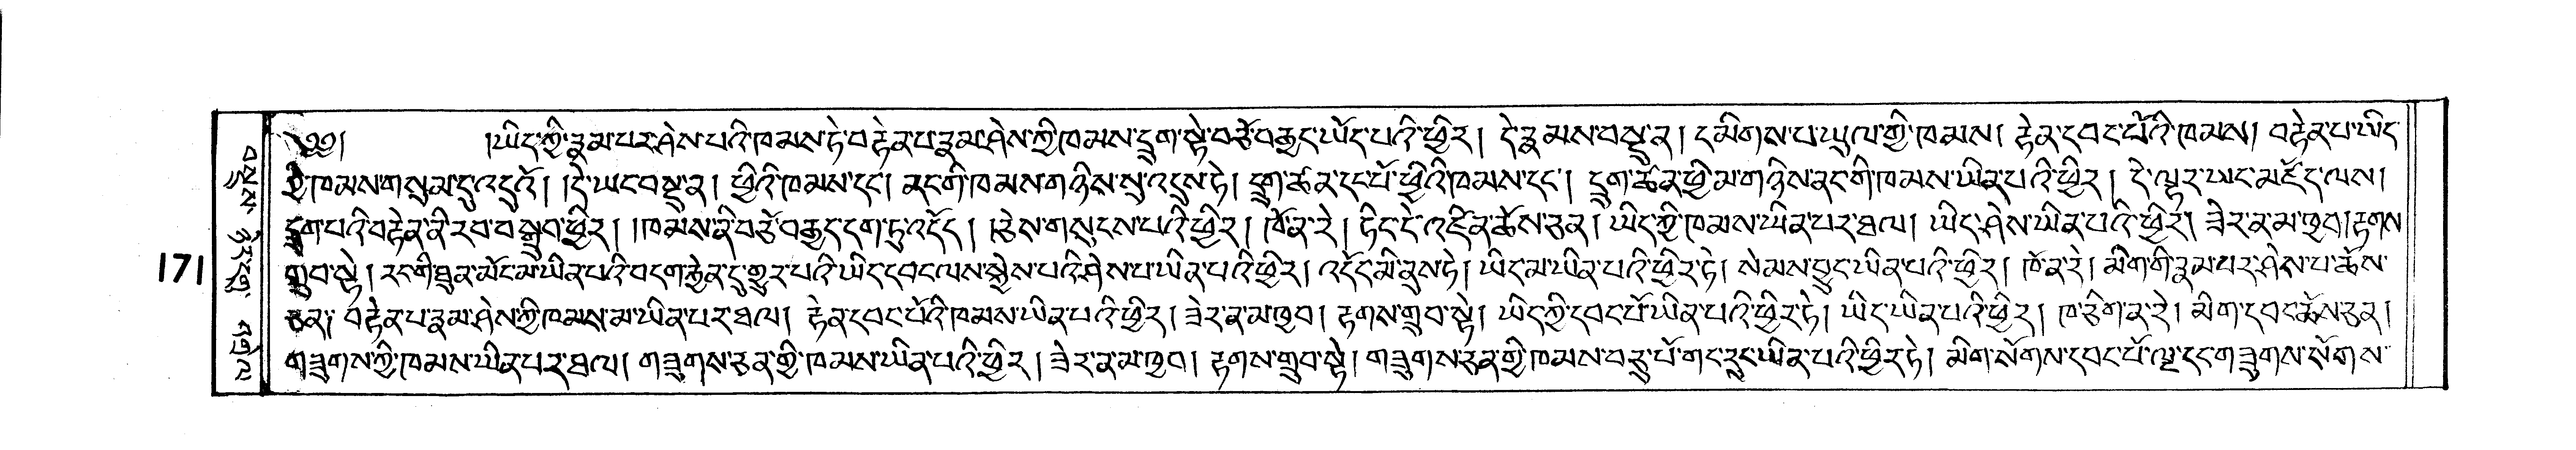༄༅། །ཡིད་ཀྱི་རྣམ་པར་ཤེས་པའི་ཁམས་ཏེ་བརྟེན་པ་རྣམ་ཤེས་ཀྱི་ཁམས་དྲུག་སྟེ་བཅོ་བརྒྱད་ཡོད་པའི་ཕྱིར། དེ་རྣམས་བསྡུ་ན། དམིགས་པ་ཡུལ་གྱི་ཁམས། རྟེན་དབང་པོའི་ཁམས། བརྟེན་པ་ཡིད་
ཀྱི་ཁམས་གསུམ་དུ་འདུའོ། །དེ་ཡང་བསྡུ་ན། ཕྱིའི་ཁམས་དང་། ནང་གི་ཁམས་གཉིས་སུ་འདུས་ཏེ། དྲུག་ཚན་དང་པོ་ཕྱིའི་ཁམས་དང་། དྲུག་ཚན་ཕྱི་མ་གཉིས་ནང་གི་ཁམས་ཡིན་པའི་ཕྱིར། དེ་ལྟར་ཡང་མཛོད་ལས།
དྲུག་པའི་བརྟེན་ནི་རབ་བསྒྲུབ་ཕྱིར། །ཁམས་ནི་བཅོ་བརྒྱད་དག་ཏུ་འདོད། །ཅེས་གསུངས་པའི་ཕྱིར། ཁོ་ན་རེ། ཏིང་ངེ་འཛིན་ཆོས་ཅན། ཡིད་ཀྱི་ཁམས་ཡིན་པར་ཐལ། ཡིད་ཤེས་ཡིན་པའི་ཕྱིར། ཟེར་ན་མ་ཁྱབ། རྟགས་
གྲུབ་སྟེ། རང་གི་ཐུན་མོང་མ་ཡིན་པའི་བདག་རྐྱེན་དུ་གྱུར་པའི་ཡིད་དབང་ལས་སྐྱེས་པའི་ཤེས་པ་ཡིན་པའི་ཕྱིར། འདོད་མི་ནུས་ཏེ། ཡིད་མ་ཡིན་པའི་ཕྱིར་ཏེ། སེམས་བྱུང་ཡིན་པའི་ཕྱིར། ཁོ་ན་རེ། མིག་གི་རྣམ་པར་ཤེས་པ་ཆོས་
ཅན༑ བརྟེན་པ་རྣམ་ཤེས་ཀྱི་ཁམས་མ་ཡིན་པར་ཐལ། རྟེན་དབང་པོའི་ཁམས་ཡིན་པའི་ཕྱིར། ཟེར་ན་མ་ཁྱབ། རྟགས་གྲུབ་སྟེ། ཡིད་ཀྱི་དབང་པོ་ཡིན་པའི་ཕྱིར་ཏེ། ཡིད་ཡིན་པའི་ཕྱིར། ཁ་ཅིག་ན་རེ། མིག་དབང་ཆོས་ཅན།
གཟུགས་ཀྱི་ཁམས་ཡིན་པར་ཐལ། གཟུགས་ཅན་གྱི་ཁམས་ཡིན་པའི་ཕྱིར། ཟེར་ན་མ་ཁྱབ། རྟགས་གྲུབ་སྟེ། གཟུགས་ཅན་གྱི་ཁམས་བཅུ་པོ་གང་རུང་ཡིན་པའི་ཕྱིར་ཏེ། མིག་སོགས་དབང་པོ་ལྔ་དང་གཟུགས་སོགས་